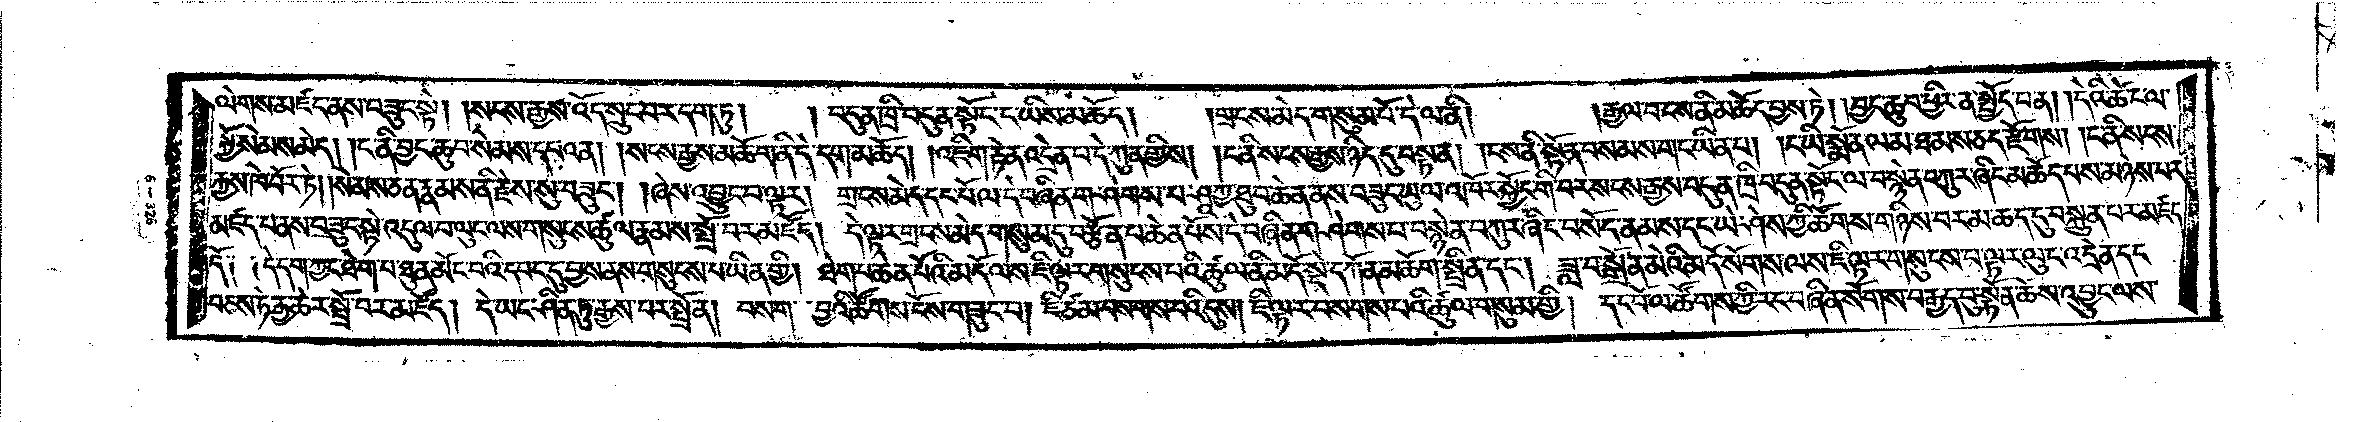ལེགས་མཛད་ནས་བཟུང་སྟེ། །སངས་རྒྱས་འོད་སྲུང་བར་དག་ཏུ། །བདུན་ཁྲི་བདུན་སྟོང་ང་ཡིས་མཆོད། །གྲངས་མེད་གསུམ་པོ་དེ་ལ་ནི། །རྒྱལ་བ་ངས་ནི་མཆོད་བྱས་ཏེ། །བྱང་ཆུབ་ཕྱིར་ན་སྤྱོད་པ་ན། །དེའི་ཚོ་ང་ལ་
སྐྱོ་སེམས་མེད། །ང་ནི་བྱང་ཆུབ་སེམས་དཔའ་ན། །སངས་རྒྱས་མཆོག་ནི་དེ་དག་མཆོད། །འཇིག་རྟེན་འདྲེན་པ་དེ་ཀུན་གྱིས། །ང་ནི་སངས་རྒྱས་ཉིད་དུབ་སྟན། །ངས་ནི་སྟོན་བསམས་གང་ཡིན་པ། །ང་ཡི་སྨོན་ལམ་ཐམས་ཅད་རྫོགས། །ང་ནི་སངས་
རྒྱས་ཁེ་བོར་ཏེ། །སེམས་ཅན་རྣམས་ནི་རྗེས་སུ་བཟུང་། །ཞེས་འབྱུང་བ་ལྟར། གྲངས་མེད་དང་པོ་ལ་དེ་བཞིན་གཤེགས་པ་ཤཱཀྱ་ཐུབ་ཆེན་ནས་བཟུང་ཡུལ་འཁོར་སྐྱོང་གི་བར་སངས་རྒྱས་བདུན་ཁྲི་བདུན་སྟོང་ལ་བསྙེན་བཀུར་ཞིང་མཆོད་པས་མཉེས་པར་
མཛད་པ་ནས་བཟུང་སྟེ་འདུལ་བ་ལུང་ལས་གསུངས་ཚུལ་རྣམས་སྤྲོ་བར་མཛོད། དེ་ལྟར་གྲངས་མེད་གསུམ་དུ་བརྩོན་པ་ཆེན་པོས་དེ་བཞིན་གཤེགས་པ་བསྙེན་བཀུར་ཞིང་བསོད་ནམས་དང་ཡེ་ཤེས་ཀྱི་ཚོགས་གཉིས་པར་མ་ཆད་དུ་བསྐྲུན་པར་མཛད་
དོ༑ ༑དེ་དག་ཀྱང་ཐེག་པ་ཐུན་མོང་བའི་དབང་དུ་བྱས་ནས་གསུངས་པ་ཡིན་གྱི། ཐེག་པ་ཆེན་པོའི་མདོ་ལས་ཇི་ལྟར་གསུངས་པའི་ཚུལ་ནི་མདོ་སྡེ་དཀོན་མཆོག་སྤྲིན་དང་། ཟླ་བ་སྒྲོན་མེའི་མདོ་སོགས་ལས་ཇི་ལྟར་གསུངས་པ་ལྟར་ལུང་འདྲེན་དང་
བཅས་ཏེ་རྒྱ་ཆེར་སྤྲོ་བར་མཛོད། དེ་ཡང་ཤིན་ཏུ་རྒྱས་པར་སྤྲོན། བསག་བྱའི་ཚོགས་ངོས་གཟུང་བ། ཇི་ཙམ་བསགས་པའི་དུས། ཇི་ལྟར་བསགས་པའི་ཚུལ་གསུམ་གྱི། དང་པོ་ལ་ཚོགས་ཀྱི་རང་བཞིན་སོགས་བརྒྱད་བུ་སྟོན་ཆོས་འབྱུང་ལས་